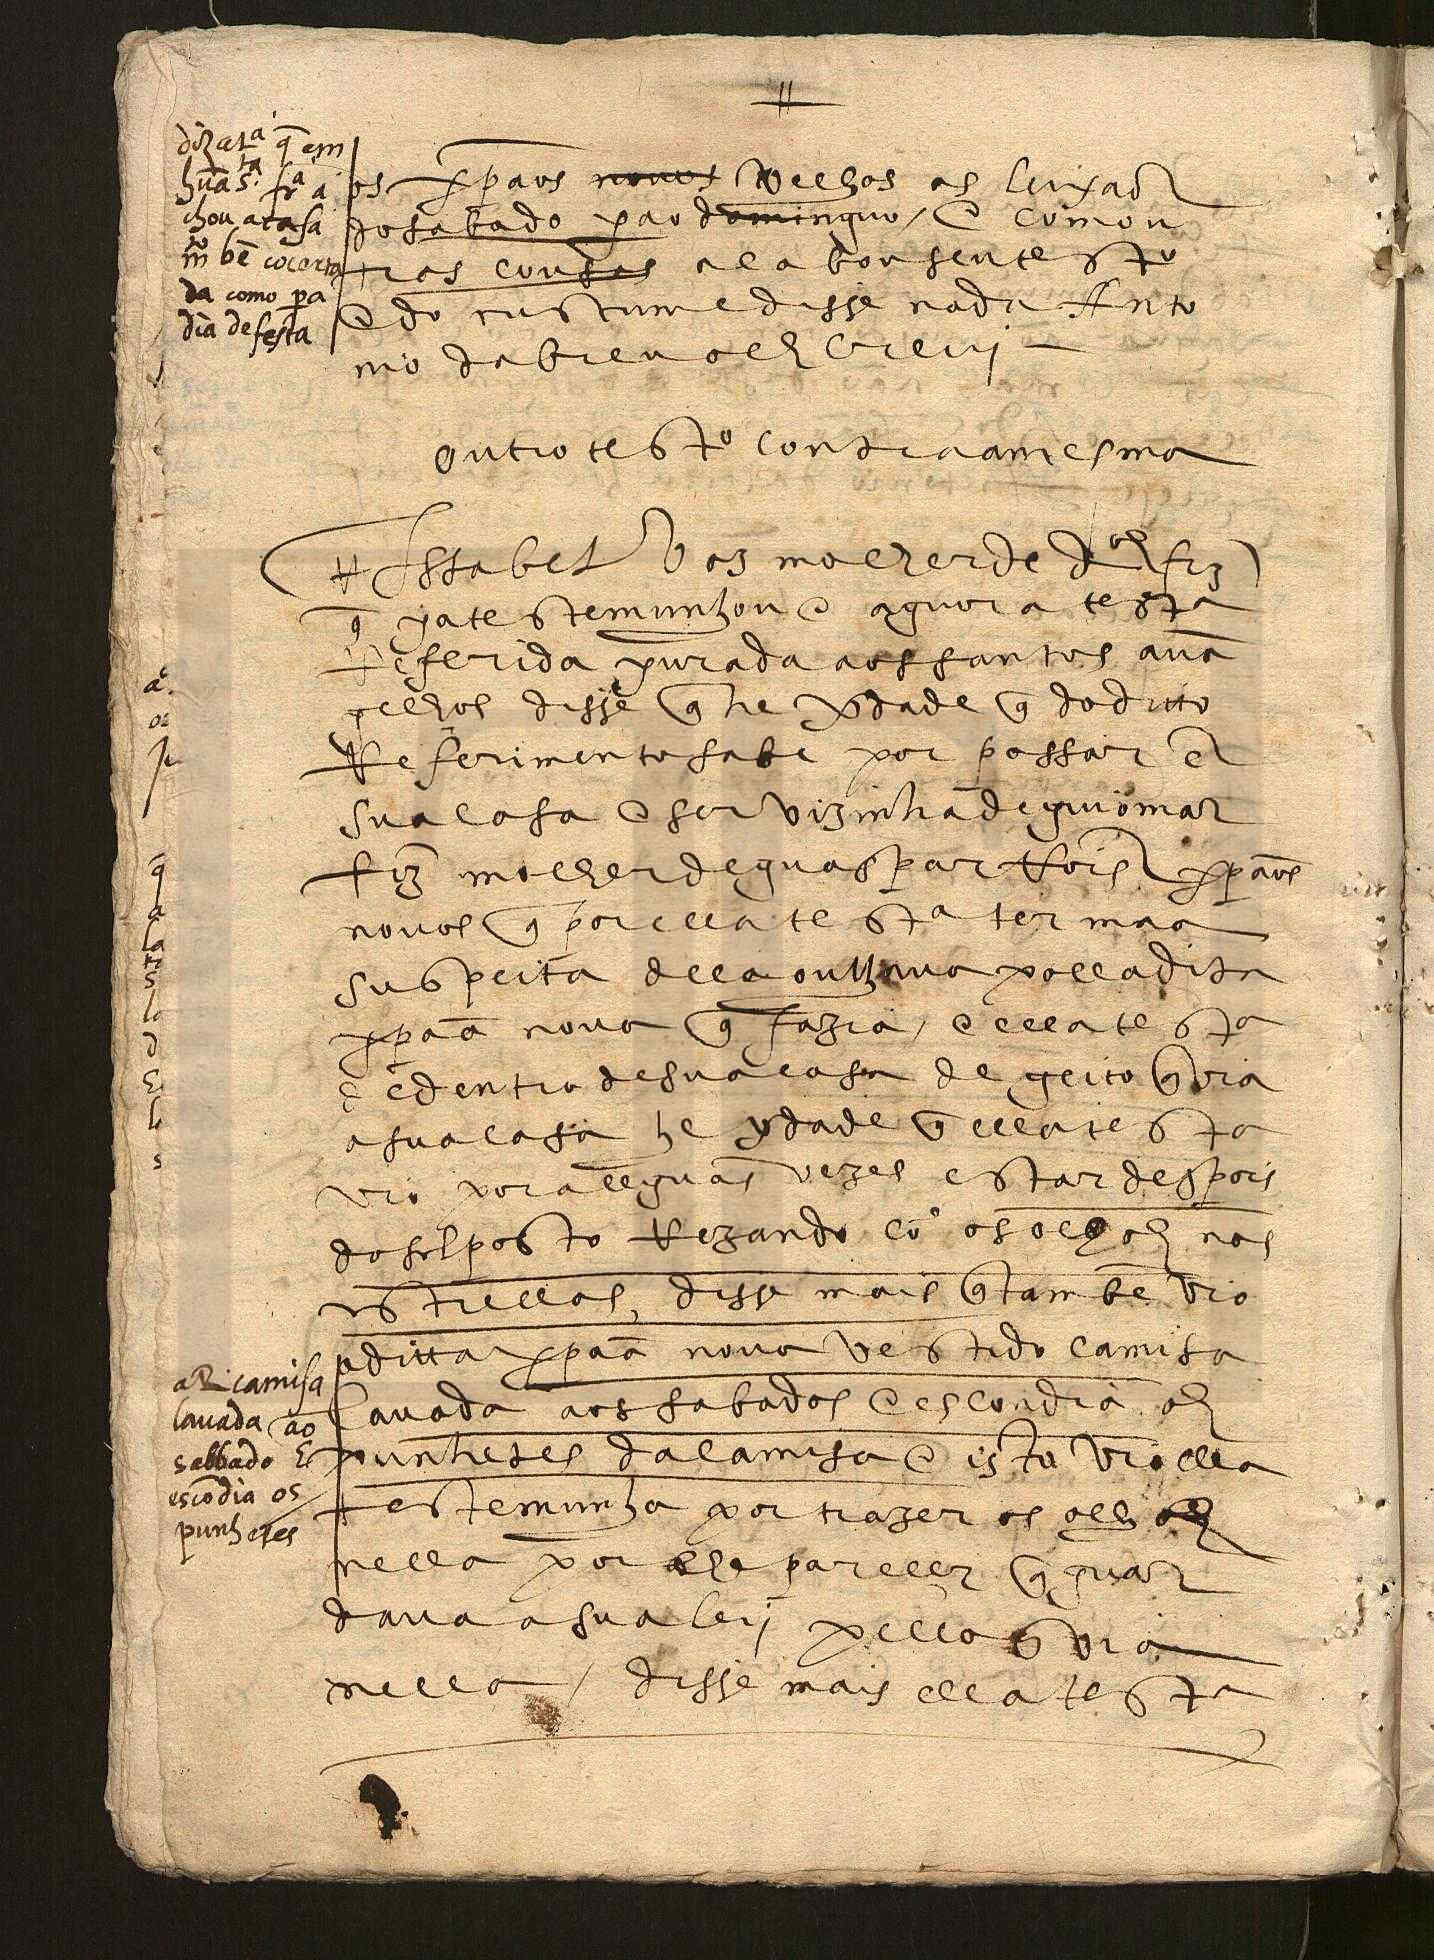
diz a ta q̄ em
hūa sta. fra a
chou a casa
mto bē cocerta
da como ꝑa
dia de festa
a R. camisa
lauada ao
sabbado E
escōdia os
punhetes
os xpãos nouos velhos as leixaõ
do sabado ꝑa o dominguo / e com ou
tras cousas acabou seu testo
e do custume disse nada Anto
nio dabreu o escreuj
outro testo contra a mesma
item Issabel Vaz molher de dos frz̄
q̄ ya testemunhou e aguora testa
Referida jurada aos santos aūa
gelhos disse q̄ he ꝟdade q̄ do ditto
Referimento sabe por passar ē
sua casa e ser vizinha de guiomar
fr̄z molher de guaspar Roīs xpãos
nouos q̄ por ella testa ter maa
suspeita dela oulhaua polla dita
xpāa noua q̄ fazia / e ella testa
de dentro de sua casa de geito q̄ via
a sua casa he ꝟdade q̄ ella testa
vio por allguās vezes estar despois
do sol posto Rezando cō os olhos nas
estrellas, disse mais q̄ tambē vio
a ditta xpāa noua vestido camisa
lauada aos sabados e escondia os
punhetes da camisa e isto vio ella
testemunha por trazer os olhos
nella por lhe parecer q̄ guar
daua a sua ley pello q̄ via
nella / disse mais ella testa
